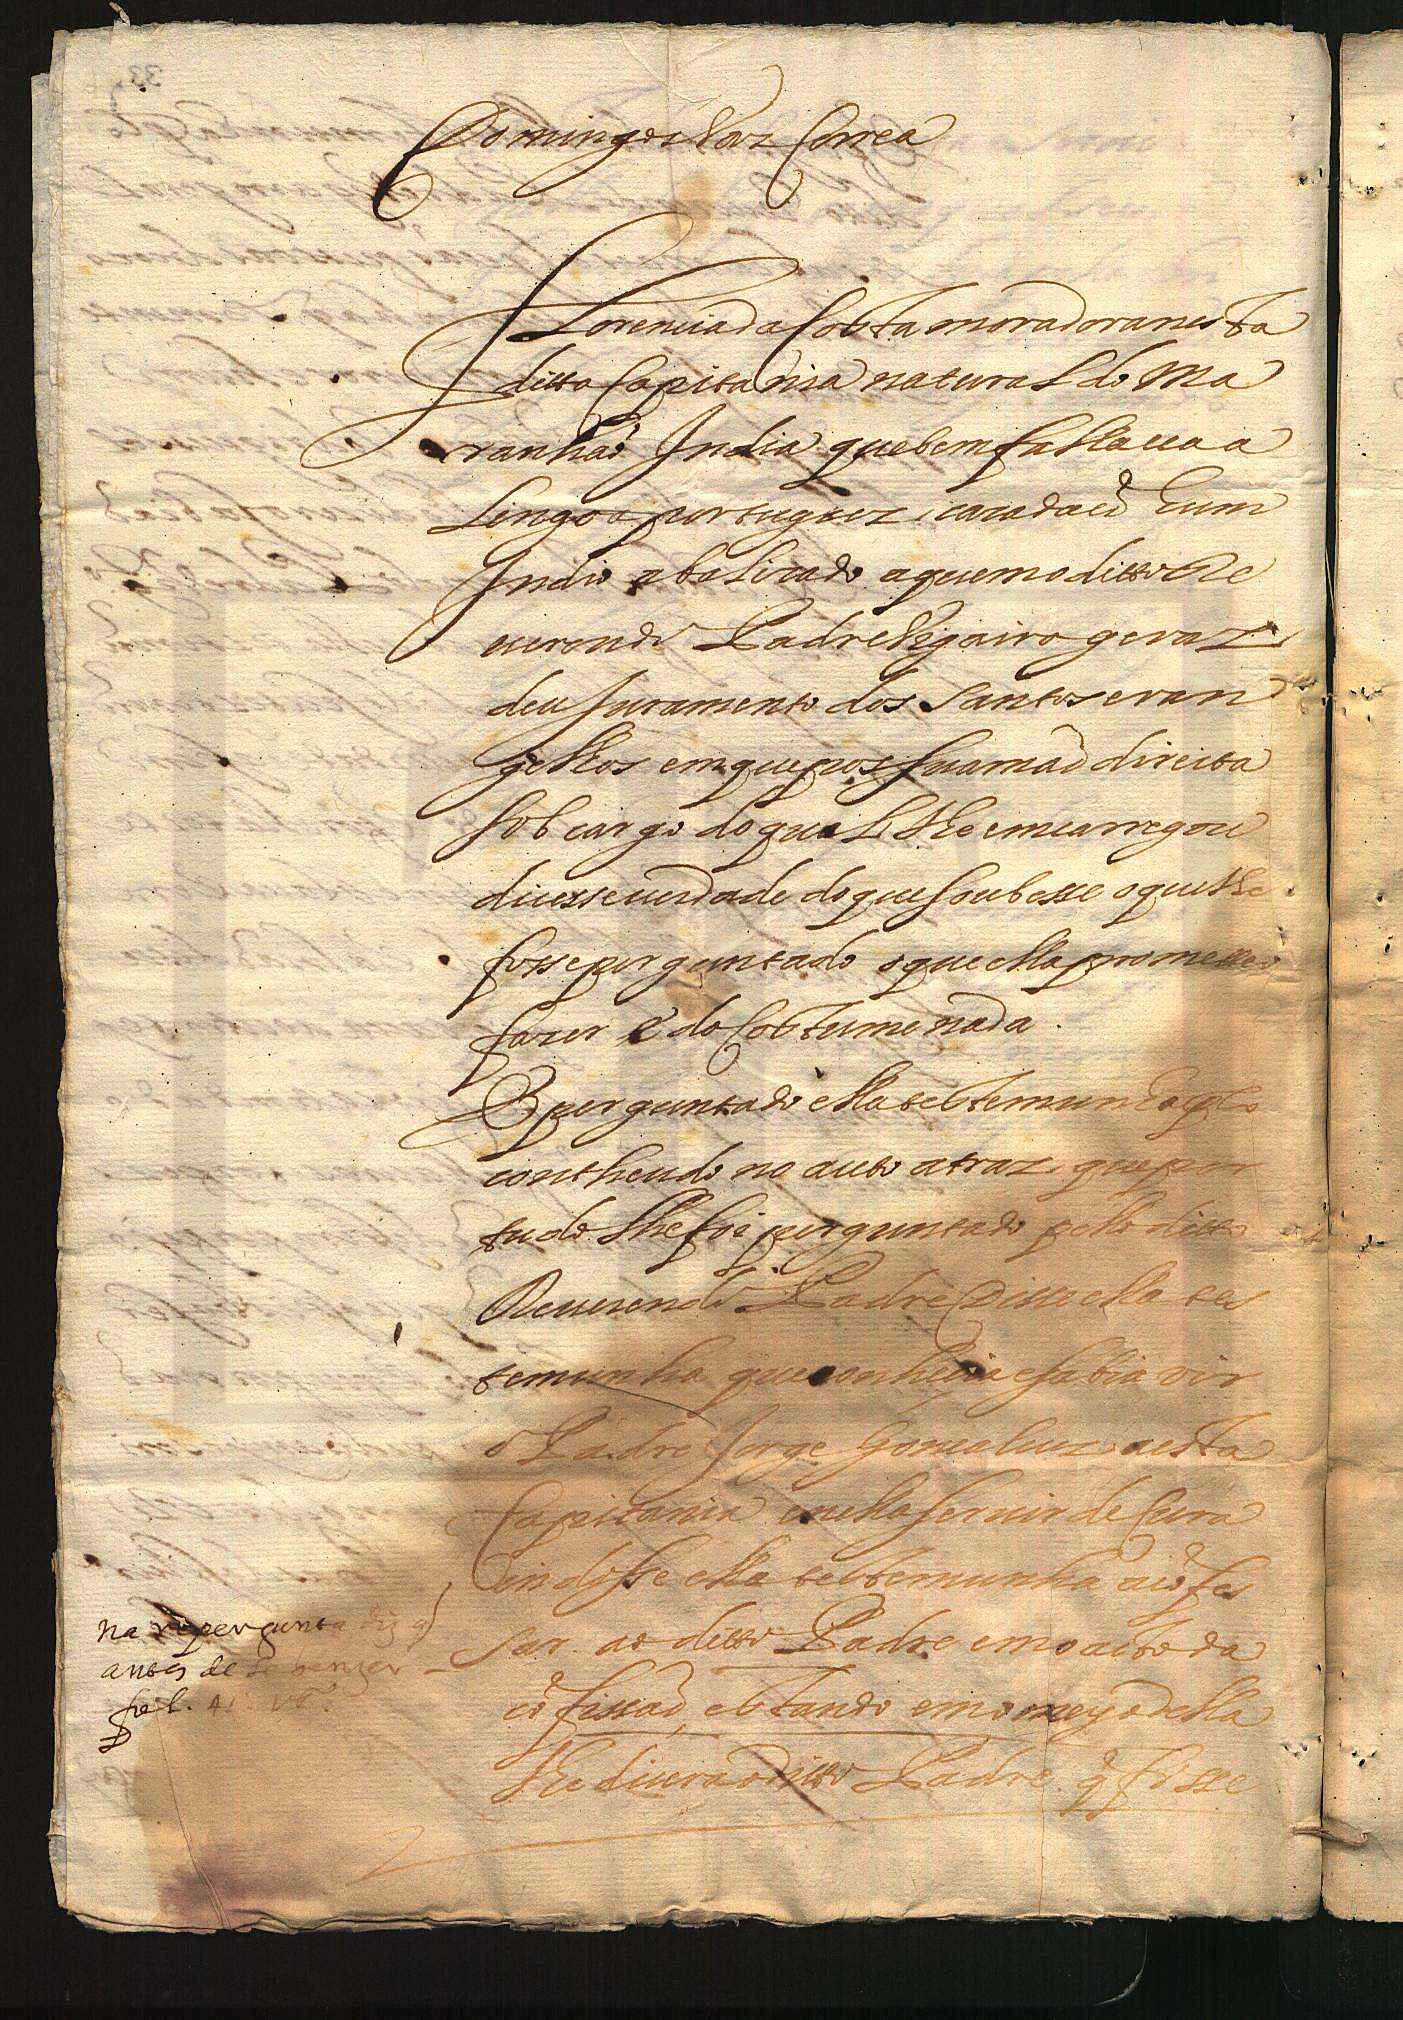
Domingos Vaz Correa
FLorencia da Costa moradora nesta
ditta Capitania, natural do Ma
ranhaõ Jndia que bem fallaua a
lingoa portuguez, cazada cō hum
Jndio abalizado a quem o ditto Re
uerendo Padre Vigairo geraL
deu Juramento dos santos evan
gelhos em que pos sua maõ direita
sob cargo do qual lhe emcarregou
dicesse uerdade do que soubesse o que lhe
fosse perguntado o que ella prometteo
fazer E do Costume nada.
E perguntado ella testemunha p̄lo
contheudo no auto atraz que por
tudo lhe foi perguntado pello ditto
Reuerendo Padre Disse ella tes
temunha que conhecia e sabia vir
o Padre Jorge Gonçaluez a esta
Capitania e nella seruir de Cura
indosse elle testemunha a cōfes
na repergunta diz q̄
antes de se benzer
fol. 41 vso
sar ao ditto Padre em o acto da
cōfissão, estando em o meyo della
lhe disera o ditto Padre q̄ fosse
